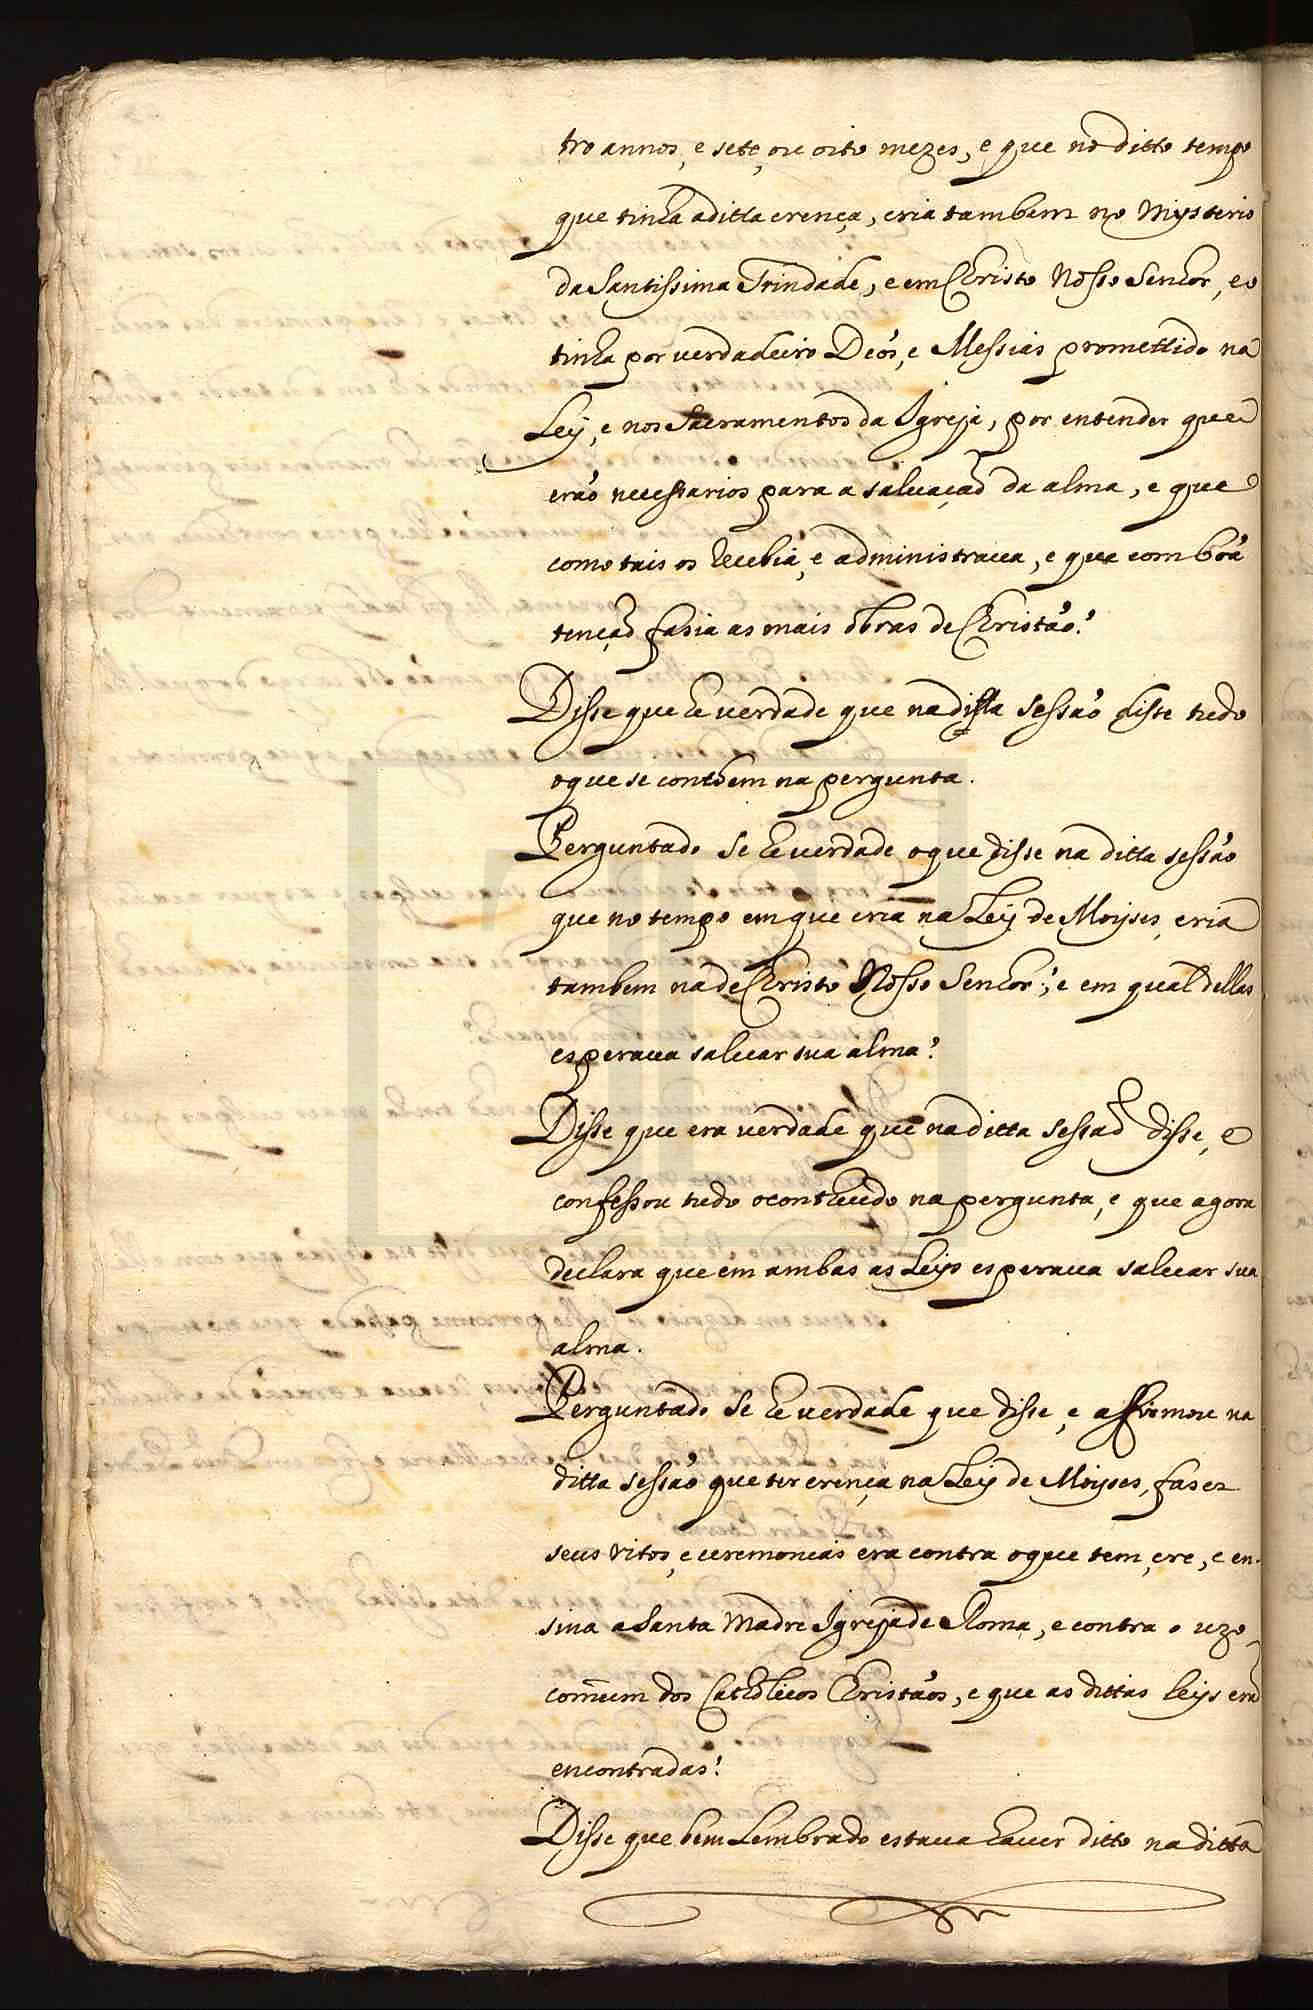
tro annos, e sete, ou oito mezes, e que no ditto tempo
que tinha a ditta crença, cria tambem no mysterio
da Santissima Trindade, e em Christo nosso Senhor, e o
tinha por uerdadeiro Deōs, e Messias promettido na
Ley, e nos Sacramentos da Jgreja, por entender que
erão necessarios para a saluaçaõ da alma, e que
como tais os recebia, e administraua, e que com boā
tençaõ fasia as mais obras de Christão?
Disse que he verdade que na ditta sessão disse tudo
o que se conthem na pergunta.
Perguntado se he uerdade o que disse na ditta sessão
que no tempo em que cria na Ley de Moyses, cria
tambem na de Christo nosso Senhor; e em qual dellas
esperaua saluar sua alma?
Disse que era verdade que na ditta sessaõ disse, e
confessou tudo o contheudo na pergunta, e que agora
declara que em ambas as Leys esperaua saluar sua
alma.
Perguntado se he verdade que disse, e affirmou na
ditra sessão que ter crença na Ley de Moyses, faser
seus ritos, e ceremonias era contra o que tem, cre, e en
sina a Santa madre Jgreja de Roma, e contra o uzo
com̄um dos Catholicos Christãos, e que as dittas leys erã
encontradas?
Disse que bem lembrado estaua hauer ditto na ditta
